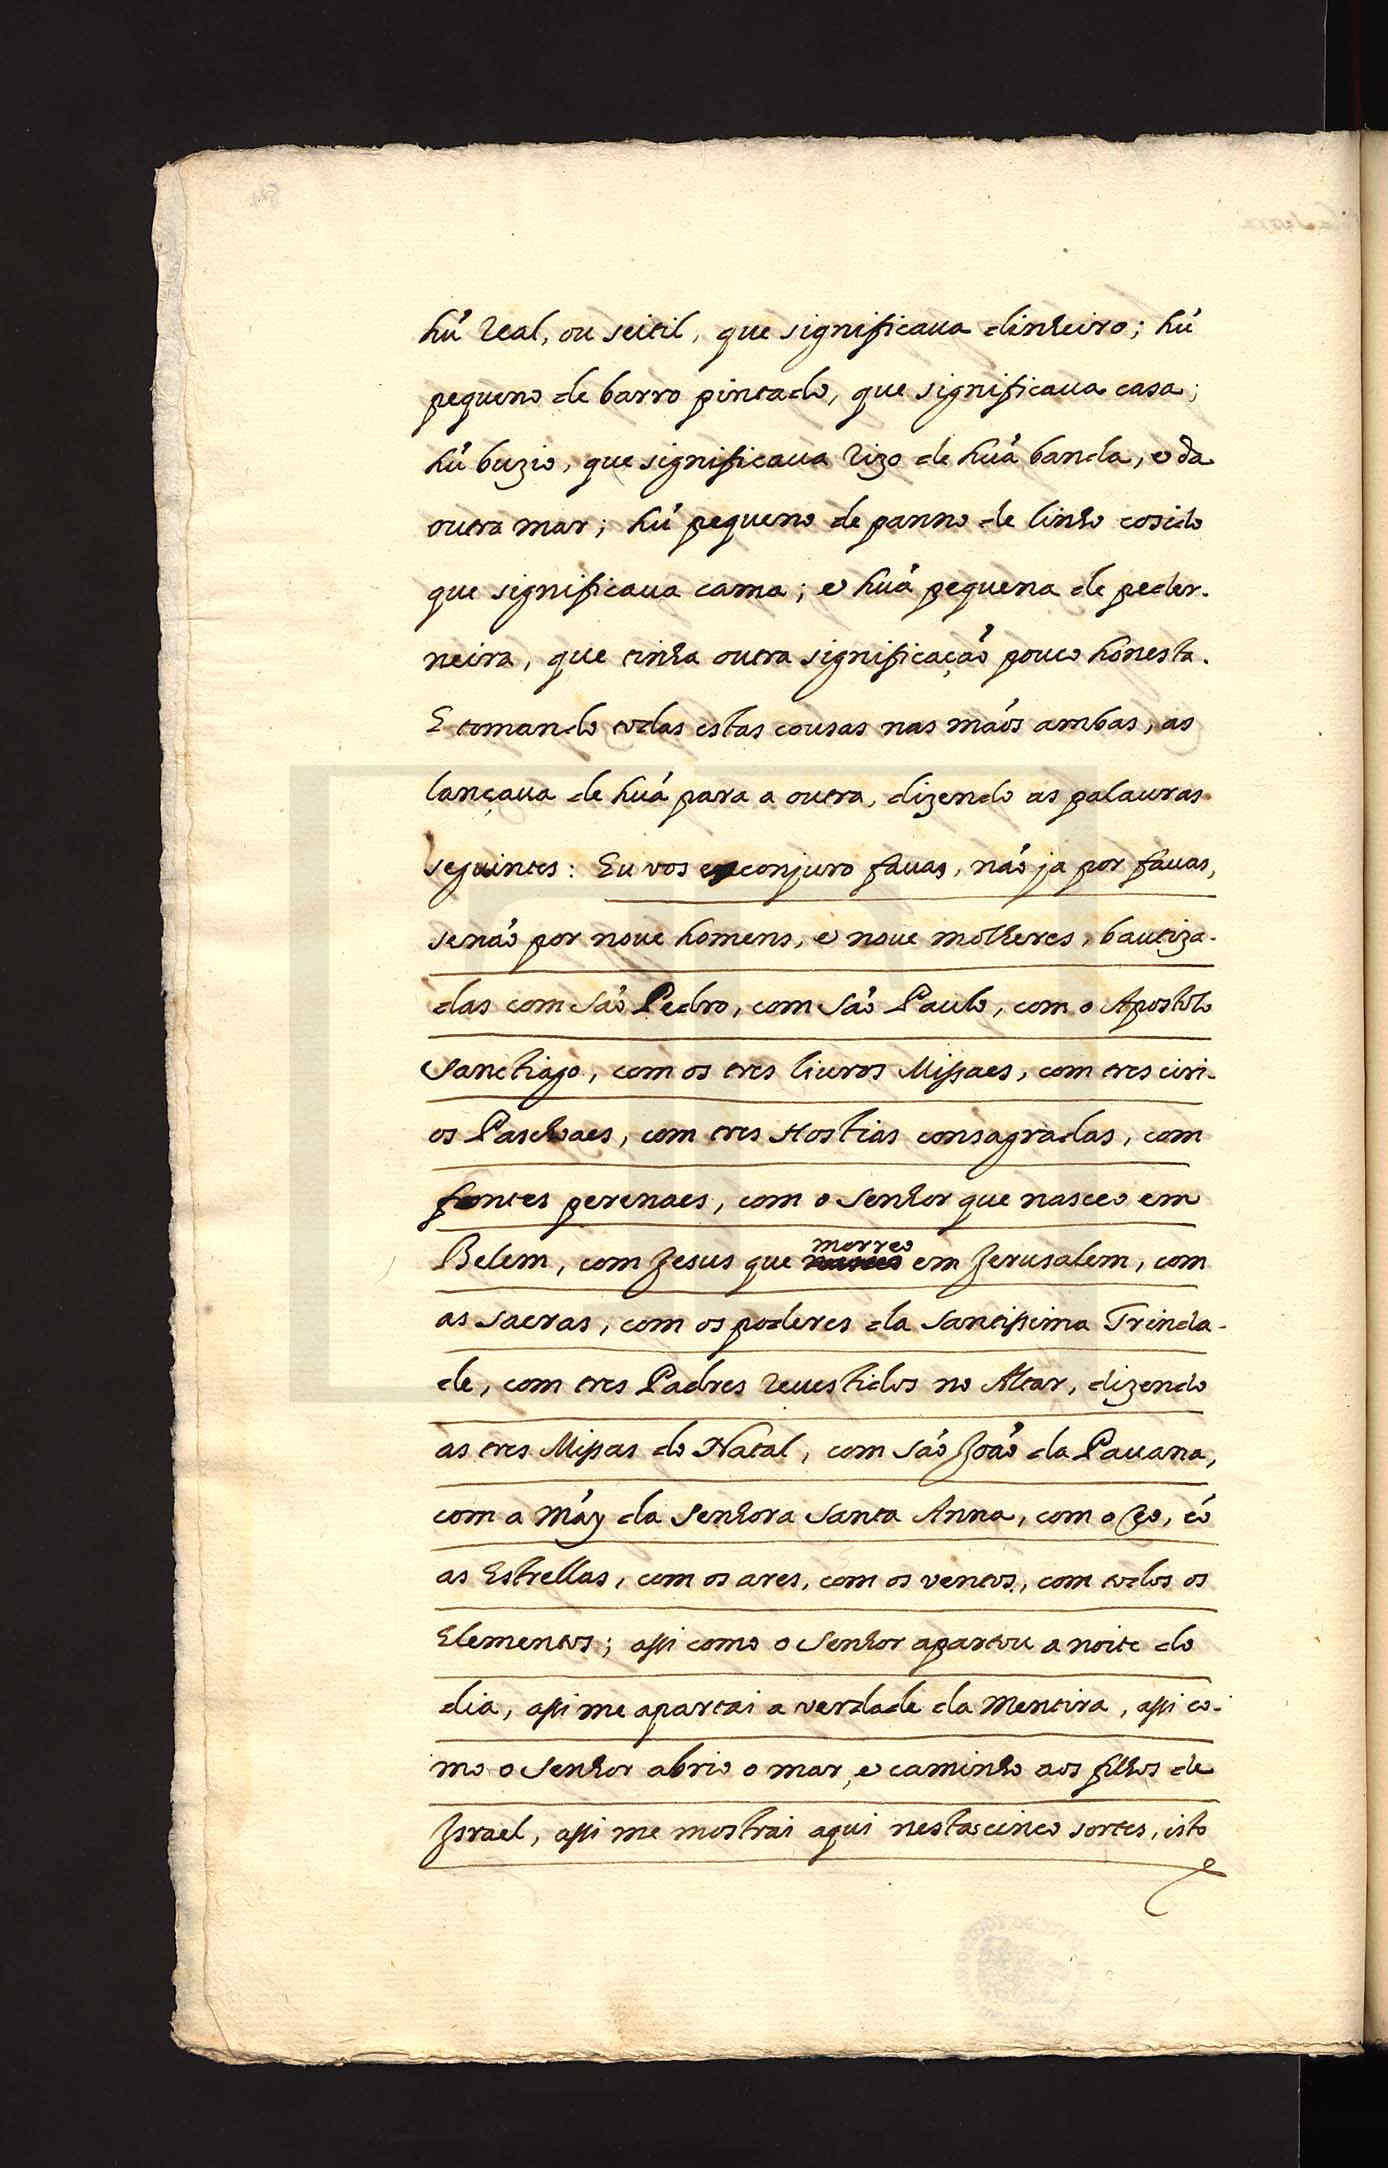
hū real, ou seitil, que significaua dinheiro; hū
pequeno de barro pintado, que significaua casa;
hū buzio, que significaua rizo de huā banda, e da
outra mar; hū pequeno de panno de linho cosido
que significaua cama; e huā pequena de peder
neira, que tinha outra significaçaõ pouco honesta.
E tomando todas estas cousas nas mãos ambas, as
lançaua de huā para a outra, dizendo as palauras
seguintes: Eu vos esconjuro fauas, naõ já por fauas,
se não por noue homens, e noue molheres, bautiza
das com Saõ Pedro, com Saõ Paulo, com o Apostolo
Sanctiago, com os tres liuros Missaes, com tres ciri
os Paschoaes, com tres Hostias consagradas, com
fontes perenaes, com o Senhor que nasceo em
Belem, com Jesus que
morreo
em Jerusalem, com
as sacras, com os poderes da Santissima Trinda
de, com tres Padres reuestidos no Altar, dizendo
as tres Missas do Natal, com Saõ Joaõ da Pauana,
com a mãy da Senhora Santa Anna, com o Ceo, cõ
as Estrellas, com os ares, com os ventos, com todos os
Elementos; assi como o Senhor apartou a noite do
dia, assi me apartai a verdade da mentira, assi co
mo o Senhor abrio o mar, e caminho aos filhos de
Jsrael, assi me mostrai aqui nestas cinco sortes, isto
